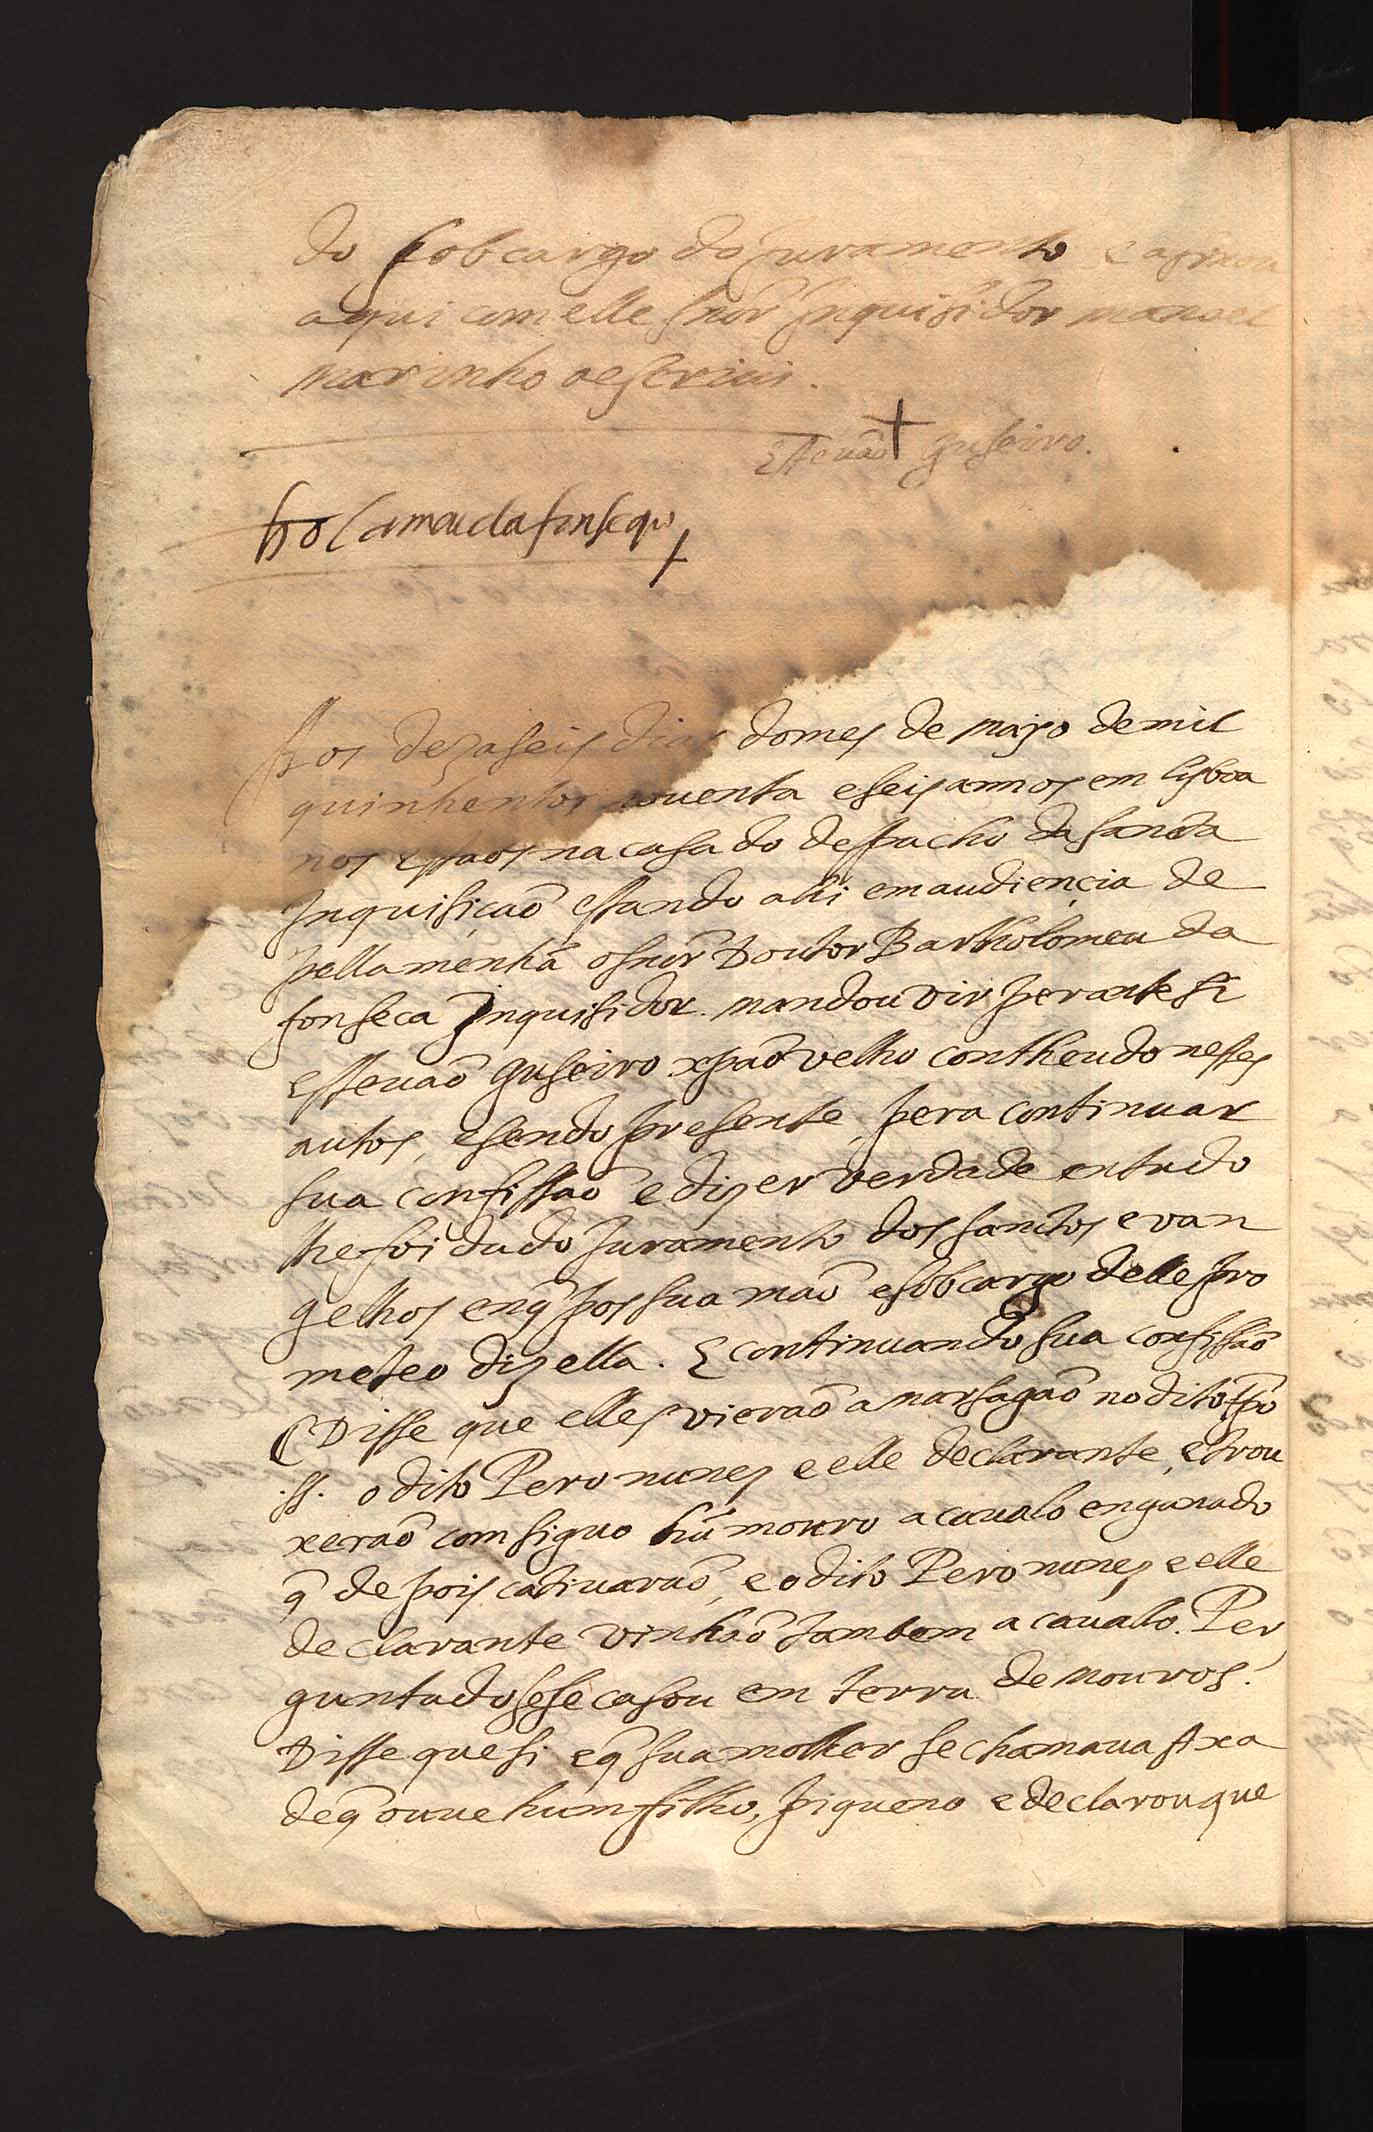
do sob cargo do juramento, e asinou
aqui com elle snor̄ Jnquisidor manoel
marinho o escreui
Esteuão + Guseiro
b̄olameu da fonseqa
Aos dezaseis dias do mes de mayo de mil
quinhentos nouenta e seis annos em lisboa
nos Estaos na casa do despacho da sancta
Jnquisiçaõ estando ahi em audiencia de
pella menhā o snor̄ Doutor Bartholomeu da
fonseca Jnquisidor mandou vir perante si
Esteuaõ Guseiro xpaõ velho contheudo nestes
autos, e sendo presente, pera continuar
sua confissaõ e dizer verdade en tudo
lhe foi dado Juramento dos sanctos evan
gelhos en q̄ pos sua maõ e sob cargo delle pro
meteo dizella. E continuando sua confissaõ
¶ Disse que elles vieraõ a marsagaõ no dito tpō
.ss. o dito Pero nunez e elle declarante, e trou
xeraõ comsiguo hū mouro a caualo enganado
q̄ depois catiuaraõ, e o dito Pero nunez e elle
declarante vinhaõ tambem a cauallo. Per
guntado se se casou em terra de mouros?
Disse que si e q̄ sua molher se chamaua Axa
de q̄ ouue hum filho, piqueno e declarou que
